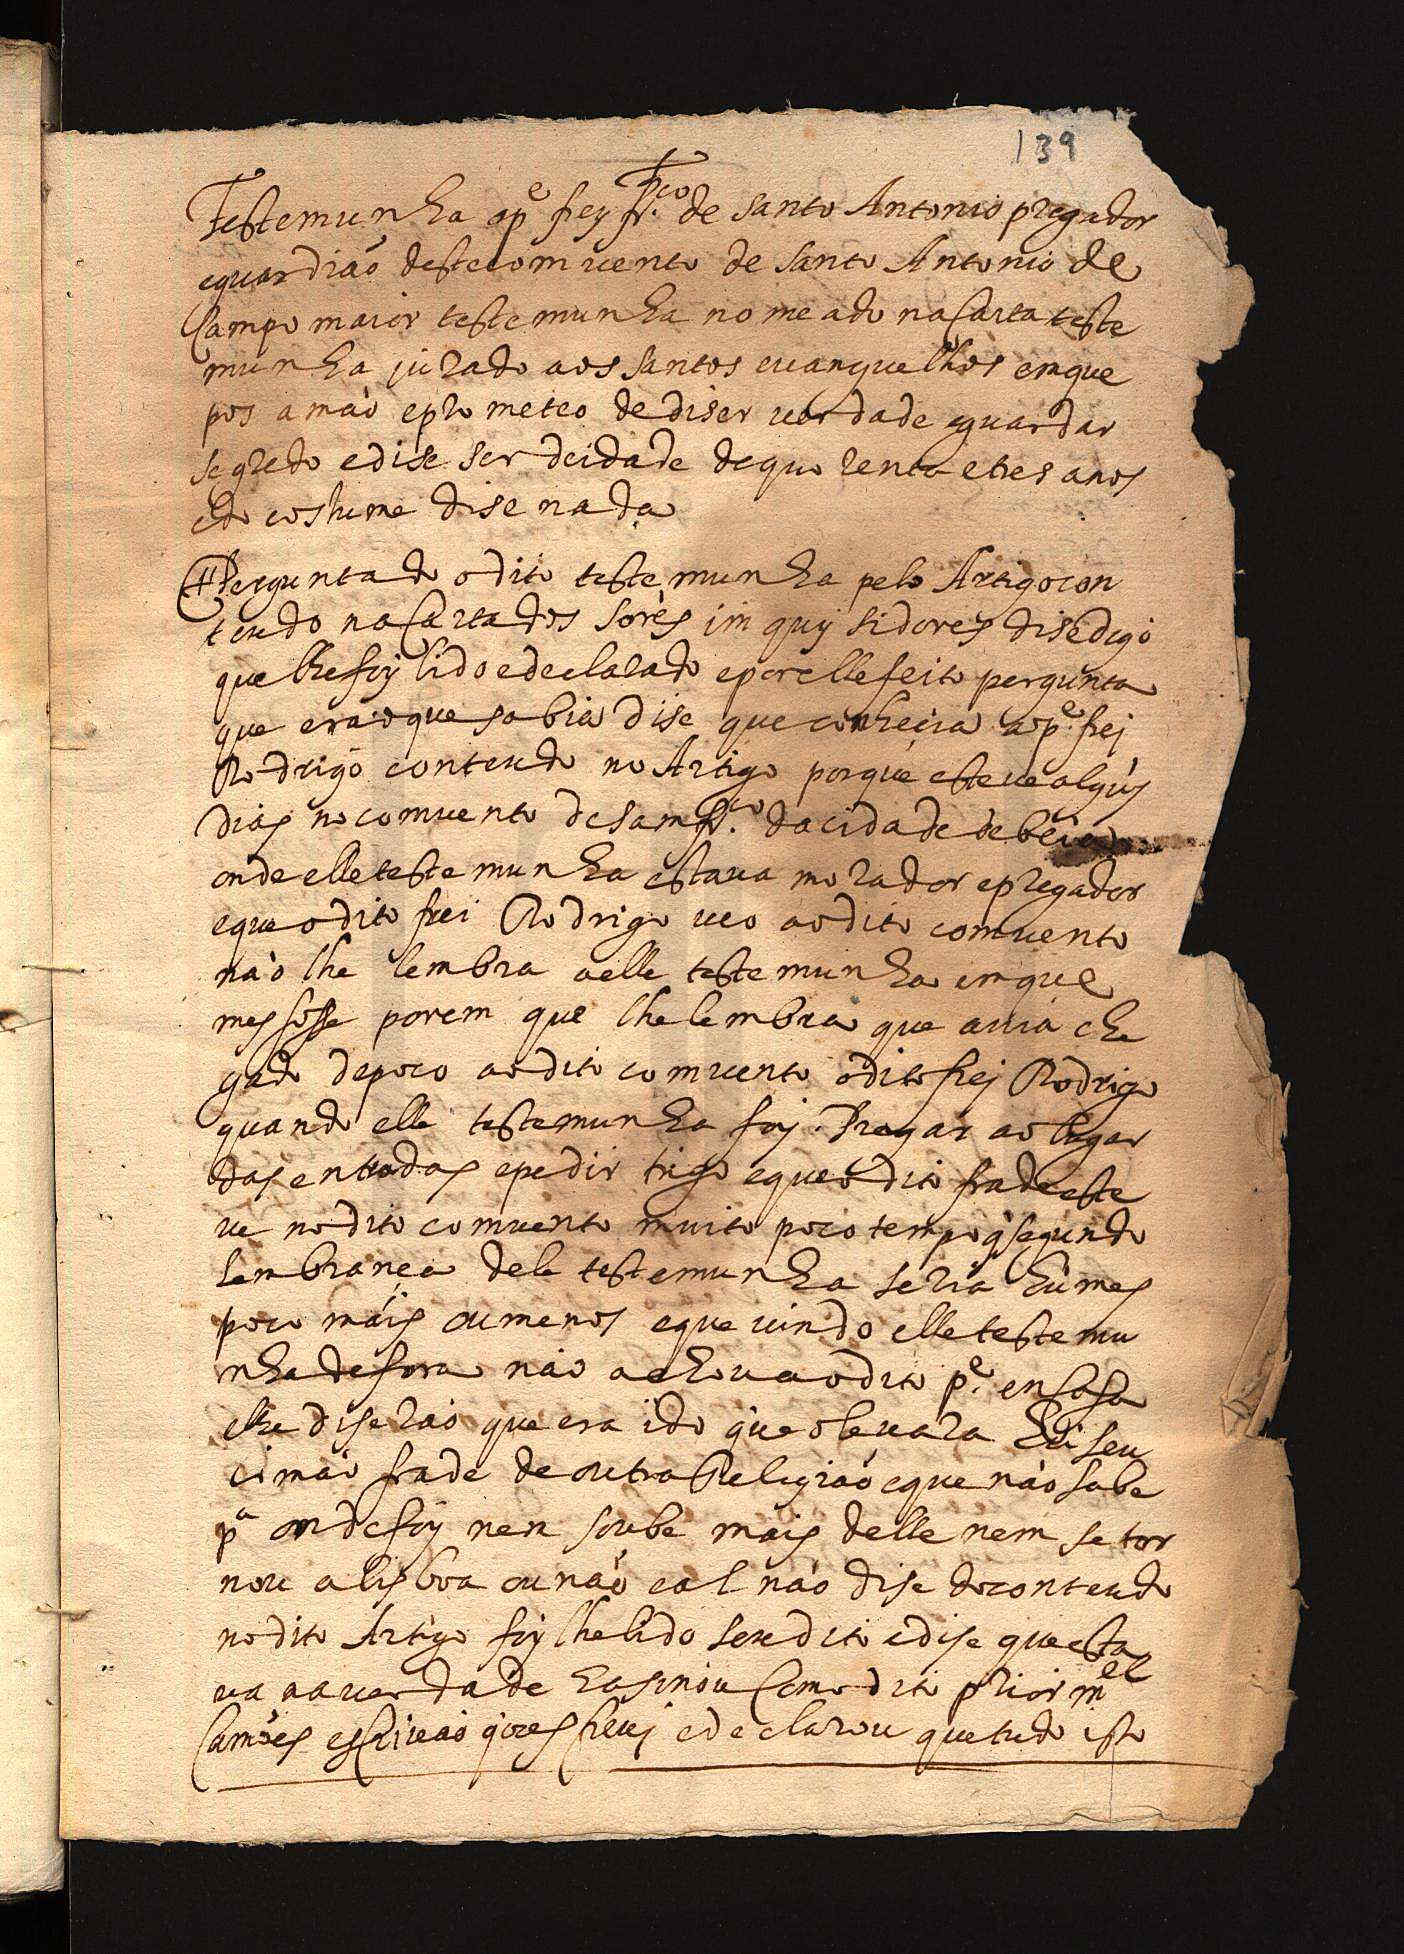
Testemunha o pe frey fr.co de santo Antonio pregador
e guardiaõ deste comuento de Santo Antonio de
Campo maior testemunha nomeado na Carta teste
munha jurado aos santos euanguelhos em que
pos a mão e prometeo de diser uerdade e guardar
segredo e dise ser de idade de quorenta e tres anos
e do costume dise nada
Perguntado o dito testemunha pelo Artigo con
teudo na Carta dos sorēs imquysidores dise digo
que lhe foy lido e declarado e por elle feito pergunta
que era o que sabia dise que conhecia ao p.e frej
Rodrigo conteudo no Artigo porque esteue algūs
dias no comuento de sam fr.co da cidade de beia
onde elle testemunha estaua morador e pregador
e que o dito frei Rodrigo ueo ao dito conuento
naõ lhe lembra a elle testemunha em que
mes fosse porem que lhe lembra que auia che
gado de poco ao dito comuento o dito frej Rodrigo
quando elle testemunha foy. Pregar ao lugar
das entradas e pedir trigo e que o dito frade este
ue no dito comuento muito por o tempo q̄ segundo
lembrança dele testemunha seria hū mes
poco mais ou menos e que uindo elle testemu
nha de fora não achou ao dito p.e en Casa
e lhe diseraõ que era ido que o leuara hū seu
irmaõ frade de outra Religiaõ e que não sabe
pa onde foy nem soube mais delle nem se tor
nou a lisboa ou naõ e al não dise do conteudo
no dito Artigo foy lhe lido seu dito e dise que esta
ua na uerdade E asinou Com o dito prior mel
Camões esCriuaõ que sCreui e declarou que tudo isto
